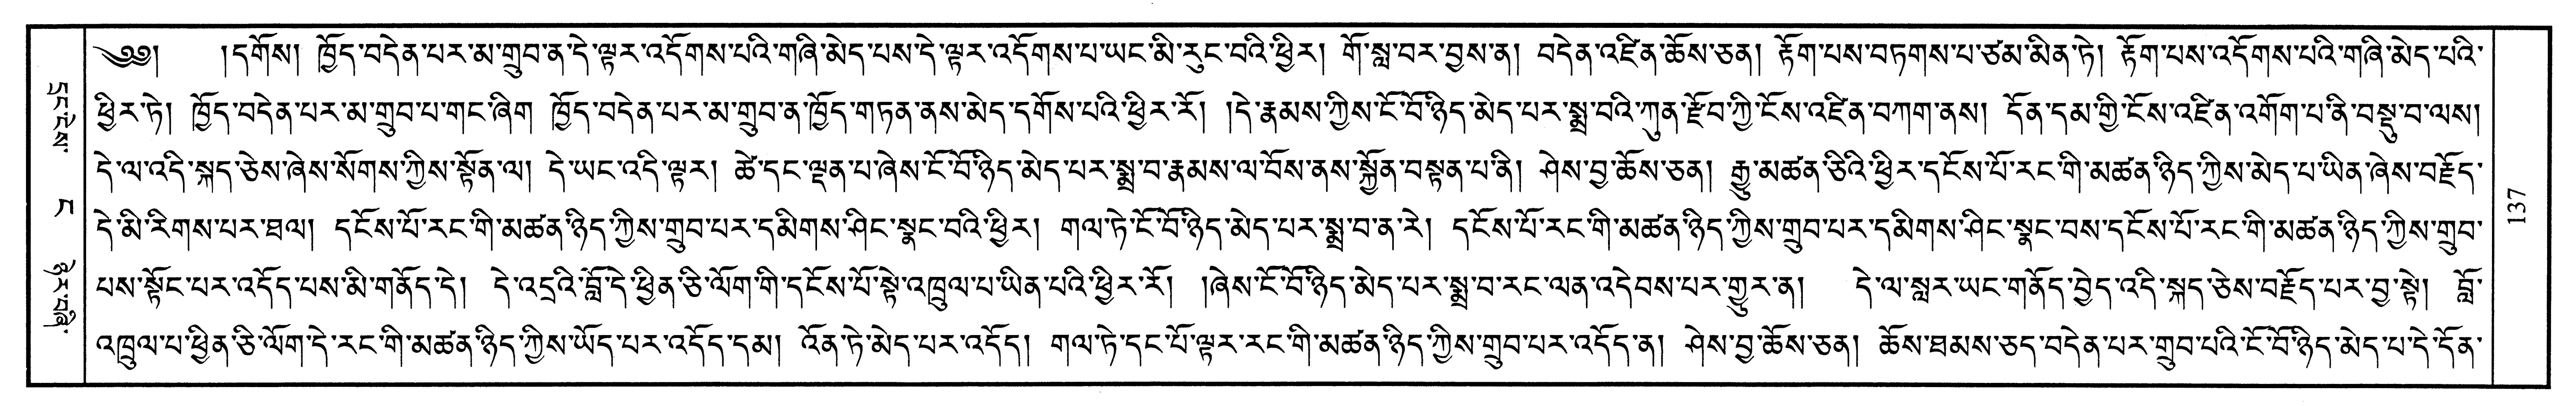༄༅། །དགོས། ཁྱོད་བདེན་པར་མ་གྲུབ་ན་དེ་ལྟར་འདོགས་པའི་གཞི་མེད་པས་དེ་ལྟར་འདོགས་པ་ཡང་མི་རུང་བའི་ཕྱིར། གོ་སླ་བར་བྱས་ན། བདེན་འཛིན་ཆོས་ཅན། རྟོག་པས་བཏགས་པ་ཙམ་མིན་ཏེ། རྟོག་པས་འདོགས་པའི་གཞི་མེད་པའི་
ཕྱིར་ཏེ། ཁྱོད་བདེན་པར་མ་གྲུབ་པ་གང་ཞིག་ཁྱོད་བདེན་པར་མ་གྲུབ་ན་ཁྱོད་གཏན་ནས་མེད་དགོས་པའི་ཕྱིར་རོ། །དེ་རྣམས་ཀྱིས་ངོ་བོ་ཉིད་མེད་པར་སྨྲ་བའི་ཀུན་རྫོབ་ཀྱི་ངོས་འཛིན་བཀག་ནས། དོན་དམ་གྱི་ངོས་འཛིན་འགོག་པ་ནི་བསྡུ་བ་ལས།
དེ་ལ་འདི་སྐད་ཅེས་ཞེས་སོགས་ཀྱིས་སྟོན་ལ། དེ་ཡང་འདི་ལྟར། ཚེ་དང་ལྡན་པ་ཞེས་ངོ་བོ་ཉིད་མེད་པར་སྨྲ་བ་རྣམས་ལ་བོས་ནས་སྐྱོན་བསྟན་པ་ནི། ཤེས་བྱ་ཆོས་ཅན། རྒྱུ་མཚན་ཅིའི་ཕྱིར་དངོས་པོ་རང་གི་མཚན་ཉིད་ཀྱིས་མེད་པ་ཡིན་ཞེས་བརྗོད་
དེ་མི་རིགས་པར་ཐལ། དངོས་པོ་རང་གི་མཚན་ཉིད་ཀྱིས་གྲུབ་པར་དམིགས་ཤིང་སྣང་བའི་ཕྱིར། གལ་ཏེ་ངོ་བོ་ཉིད་མེད་པར་སྨྲ་བ་ན་རེ། དངོས་པོ་རང་གི་མཚན་ཉིད་ཀྱིས་གྲུབ་པར་དམིགས་ཤིང་སྣང་བས་དངོས་པོ་རང་གི་མཚན་ཉིད་ཀྱིས་གྲུབ་
པས་སྟོང་པར་འདོད་པས་མི་གནོད་དེ། དེ་འདྲའི་བློ་དེ་ཕྱིན་ཅི་ལོག་གི་དངོས་པོ་སྟེ་འཁྲུལ་པ་ཡིན་པའི་ཕྱིར་རོ། །ཞེས་ངོ་བོ་ཉིད་མེད་པར་སྨྲ་བ་རང་ལན་འདེབས་པར་གྱུར་ན། དེ་ལ་སླར་ཡང་གནོད་བྱེད་འདི་སྐད་ཅེས་བརྗོད་པར་བྱ་སྟེ། བློ་
འཁྲུལ་པ་ཕྱིན་ཅི་ལོག་དེ་རང་གི་མཚན་ཉིད་ཀྱིས་ཡོད་པར་འདོད་དམ། འོན་ཏེ་མེད་པར་འདོད། གལ་ཏེ་དང་པོ་ལྟར་རང་གི་མཚན་ཉིད་ཀྱིས་གྲུབ་པར་འདོད་ན། ཤེས་བྱ་ཆོས་ཅན། ཆོས་ཐམས་ཅད་བདེན་པར་གྲུབ་པའི་ངོ་བོ་ཉིད་མེད་པ་དེ་དོན་